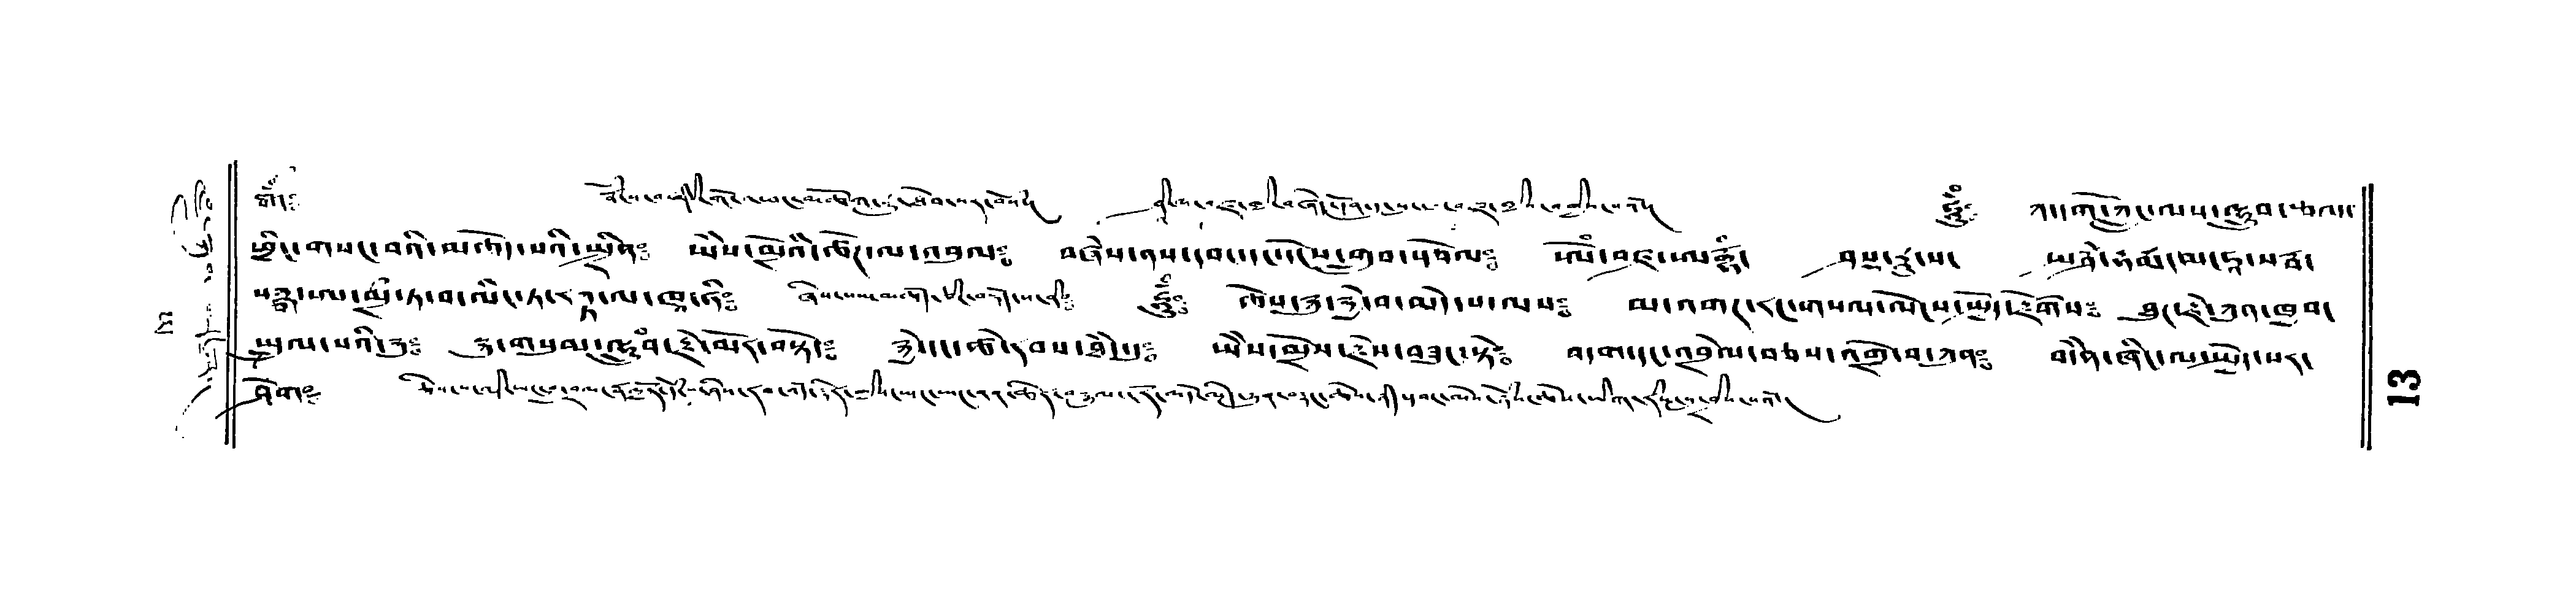རྣམ་པ་བཞིའི་གོ་འཕང་མཆོག་ཏུ་ཐོབ་པར་བསམ། ཤཱི་ལ་བཛྲ་གྱི་བཞེད་དོན་དུ་སུ་ཁ་བཛྲ་གྱིས་བགྱིས་པའོ། ཧཱུྃ༔ ཀ་དག་ཀློང་ལས་ལྷུན་གྲུབ་རྩལ༔ 
ཕྱི་ནང་གསང་བའི་མཆོད་པའི་སྤྲིན༔ ཡེ་ཤེས་མཁའ་འགྲོའི་ཚོགས་ལ་འབུལ༔ བཞེས་ནས་དབང་དང་དངོས་གྲུབ་སྩོལ༔ ཨོཾ་བཛྲ་ཨརྒྷཾ༴ ཤཔྡ་རཱུ་པ༔ སྤརྴེ་དྷརྨ་མ་ཧཱ་སརྦ་
པཉྩ་ཨ་མྲྀ་ཏ་བ་ལིང་ཏ་རཀྟ་ལ་ཁཱ་ཧི༔ ཞེས་པས་མཆོད་ཅིང་བསྟོད་པ་ནི༔ ཧཱུྃ༔ ཆོས་སྐུ་སྐྱེ་བ་མེད་པ་ལས༔ མ་འགགས་རང་གསལ་ལོངས་སྤྱོད་རྫོགས༔ ཐུགས་རྗེ་ཀུན་ཁྱབ་
སྤྲུལ་པའི་སྐུ༔ སྐུ་གསུམ་ལྷུན་གྲུབ་རྗེ་མོར་བསྟོད༔ སྐྱེ་དང་ཚེ་རབས་ཐམས་ཅད་དུ༔ ཡེ་ཤེས་མཁའ་འགྲོས་རྗེས་བཟུང་སྟེ༔ བདག་དང་འབྲེལ་བཅས་འགྲོ་བ་ཀུན༔ བདེ་ཆེན་ཞིང་ལ་སྤྱོད་པར་
ཤོག༔ ཅེས་པ་འདི་ཡང་བྱ་བྲལ་རྣལ་འབྱོར་དམ་པ་ཤེས་རབ་འོད་ཟེར་གྱིས་ཡང་ཡང་ནན་ཆེར་བསྐུལ་ངོར་མདོ་མེད་ཀུན་བཟང་ཆོས་ཉིད་དབང་མོས་ཉམས་ཆོས་ཡིག་རིས་སུ་བྲིས་པའོ།།